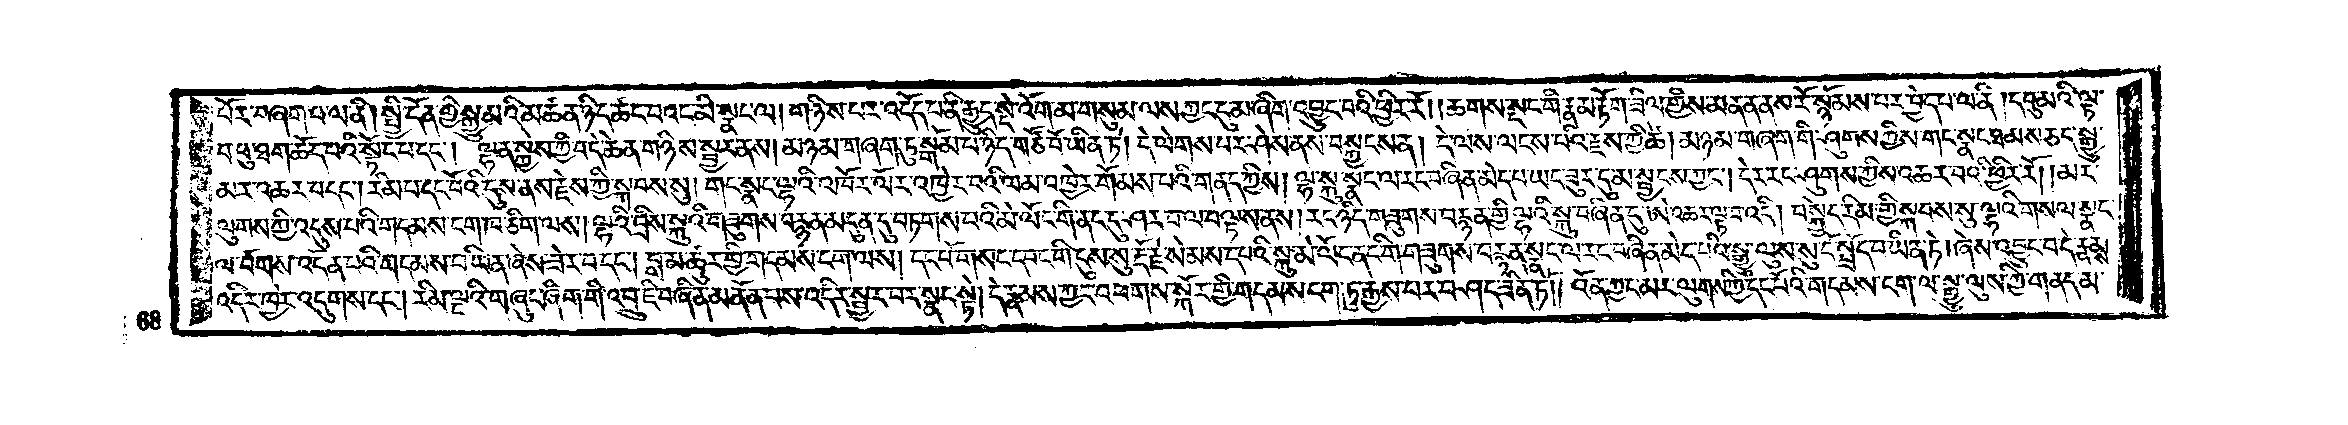པོར་བཞག་པ་ལ་ནི། སྤྱི་དོན་གྱི་སྒྱུ་མའི་མཚན་ཉིད་ཚང་བའང་མི་སྣང་ལ། གཉིས་པར་འདོད་པ་ནི་རྒྱུད་སྡེ་འོག་མ་གསུམ་ལས་ཀྱང་དུ་མ་ཞིག་འབྱུང་བའི་ཕྱིར་རོ། །ཆགས་སྡང་གི་རྣམ་རྟོག་ཟིལ་གྱིས་མནན་ནས་རོ་སྙོམས་པར་བྱེད་པ་ལ་ནི། དབུ་མའི་ལྟ་
བ་ཕུ་ཐག་ཆོད་པའི་སྟོང་པ་དང་། ལྷན་སྐྱེས་ཀྱི་བདེ་ཆེན་གཉིས་སྦྱར་ནས། མཉམ་གཞག་ཏུ་སྒོམ་པ་ཉིད་གཙོ་བོ་ཡིན་ཏེ། དེ་ལེགས་པར་ཤེས་ནས་བསྐྱངས་ན། དེ་ལས་ལངས་པའི་རྗེས་ཀྱི་ཚེ། མཉམ་གཞག་གི་ཤུགས་ཀྱིས་གང་སྣང་ཐམས་ཅད་སྒྱུ་
མར་འཆར་བ་དང་། རིམ་པ་དང་པོའི་དུས་ནས་རྗེས་ཀྱི་སྐབས་སུ། གང་སྣང་ལྷའི་འཁོར་ལོར་འཁྱེར་བའི་ལམ་འཁྱེར་གོམས་པའི་གནད་ཀྱིས། ལྷ་སྐུ་སྣང་ལ་རང་བཞིན་མེད་པ་ཡང་ཟུར་དུ་མ་སྦྱངས་ཀྱང་། དེར་རང་ཤུགས་ཀྱིས་འཆར་བའི་ཕྱིར་རོ། །མར་
ལུགས་ཀྱི་འདུས་པའི་གདམས་ངག་ཁ་ཅིག་ལས། ལྷའི་བྲིས་སྐུའི་གཟུགས་བརྙན་མདུན་དུ་བཏགས་པའི་མེ་ལོང་གི་ནང་དུ་ཤར་བ་ལ་བལྟས་ནས། རང་ཉིད་གཟུགས་བརྙན་གྱི་ལྷའི་སྐུ་བཞིན་དུ་ཨེ་འཆར་ལྟ་བ་འདི། བསྐྱེད་རིམ་གྱི་སྐབས་སུ་ལྷའི་གསལ་སྣང་
ལ་བོགས་འདོན་པའི་གདམས་པ་ཡིན་ཞེས་ཟེར་བ་དང་། བླ་མ་ཚུར་གྱི་གདམས་ངག་ལས། དང་པོ་གསང་དབང་གི་དུས་སུ་རྡོ་རྗེ་སེམས་དཔའི་སྐུ་མེ་ལོང་ནང་གི་གཟུགས་བརྙན་སྣང་ལ་རང་བཞིན་མེད་པའི་སྒྱུ་ལུས་སུ་ངོ་སྤྲོད་པ་ཡིན་ཏེ། ཞེས་འབྱུང་བ་དེ་རྣམས་
འདིར་ཁྱེར་འདུག་པ་དང་། རིམ་ལྔའི་གཞུང་ཞིག་གི་འབྲུ་ཇི་བཞིན་མནོན་པས་འདིར་སྦྱར་བར་སྣང་སྟེ། དེ་རྣམས་ཀྱང་འཕགས་སྐོར་གྱི་གདམས་ངག་ཏུ་རྒྱས་པར་བཤད་ཟིན་ཏོ། །འོན་ཀྱང་མར་ལུགས་ཀྱི་དང་པོའི་གདམས་ངག་ལ་སྒྱུ་ལུས་ཀྱི་གནད་མ་